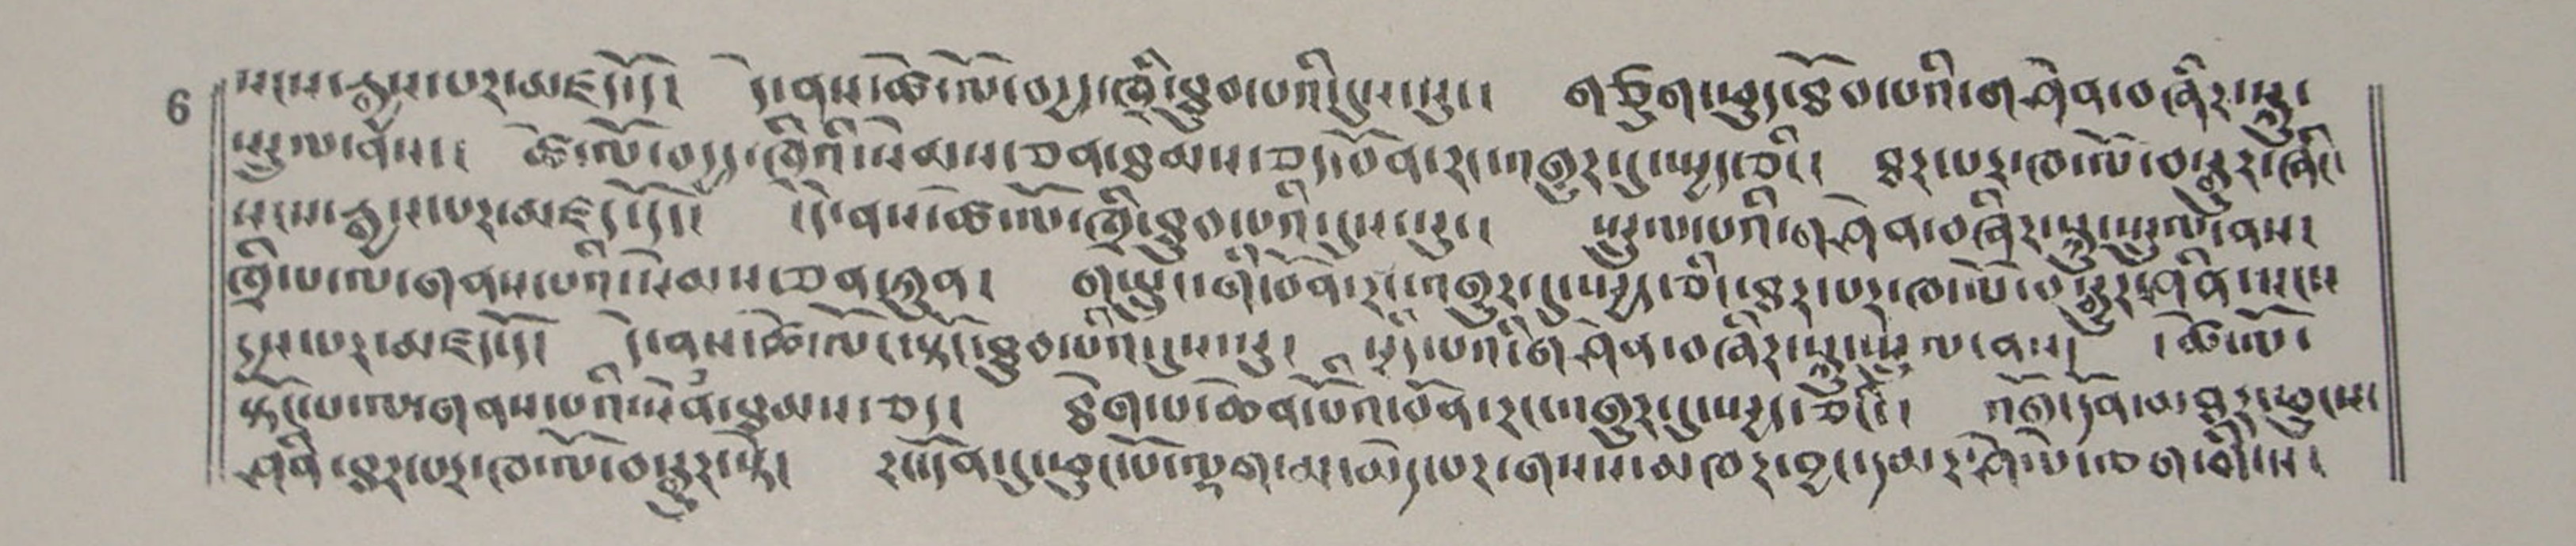སངས་རྒྱས་པར་མཛད་དོ། །དེ་ནས་ཚེ་ལོ་བརྒྱད་ཁྲི་ཐུབ་པའི་དུས་སུ། གཙུག་ཕུད་ཐོབ་པའི་གཤེན་བཞིར་སྐུ་
སྤྲུལ་ནས། ཚེ་ལོ་བརྒྱད་ཁྲིའི་སེམས་ཅན་ཐམས་ཅད་བོན་རང་འགྱུར་དུ་སྤྱད་ཅིང་། ཐར་བར་ཁ་ལོ་བསྒྱུར་ཞིང་
སངས་རྒྱས་པར་མཛད་དོ། །དེ་ནས་ཚེ་ལོ་ཁྲི་ཐུབ་པའི་དུས་སུ། སྤྲུལ་བའི་གཤེན་བཞིར་སྐུ་སྤྲུལ་ནས་
ཁྲི་པ་ལ་གནས་པའི་སེམས་ཅན་ཀུན། གཡུང་དྲུང་གི་བོན་རང་འགྱུར་དུ་སྤྱད་ཅིང་ཐར་བར་ཁ་ལོ་བསྒྱུར་ཞིང་སངས་
རྒྱས་པར་མཛད་དོ། །དེ་ནས་ཚེ་ལོ་སྟོང་ཐུབ་པའི་དུས་སུ། སྲིད་པའི་གཤེན་བཞིར་སྐུ་སྤྲུལ་ནས། ཚེ་ལོ་
སྟོང་བ་ལ་གནས་པའི་སེམས་ཅན་ཐམས་ཅད། ཐེག་པ་ཆེན་པོའི་བོན་རང་འགྱུར་དུ་སྤྱད་ཅིང་། འགྲོ་དོན་མཐར་ཕྱིན་
ཅིང་ཐར་བར་ཁ་ལོ་བསྒྱུར་ཏེ། རང་དོན་དུ་ཕུང་བོ་ལྷག་མ་མེད་པར། གསས་མཁར་བྱང་དམར་ཤེལ་ལེ་ཆག་གི་ས་